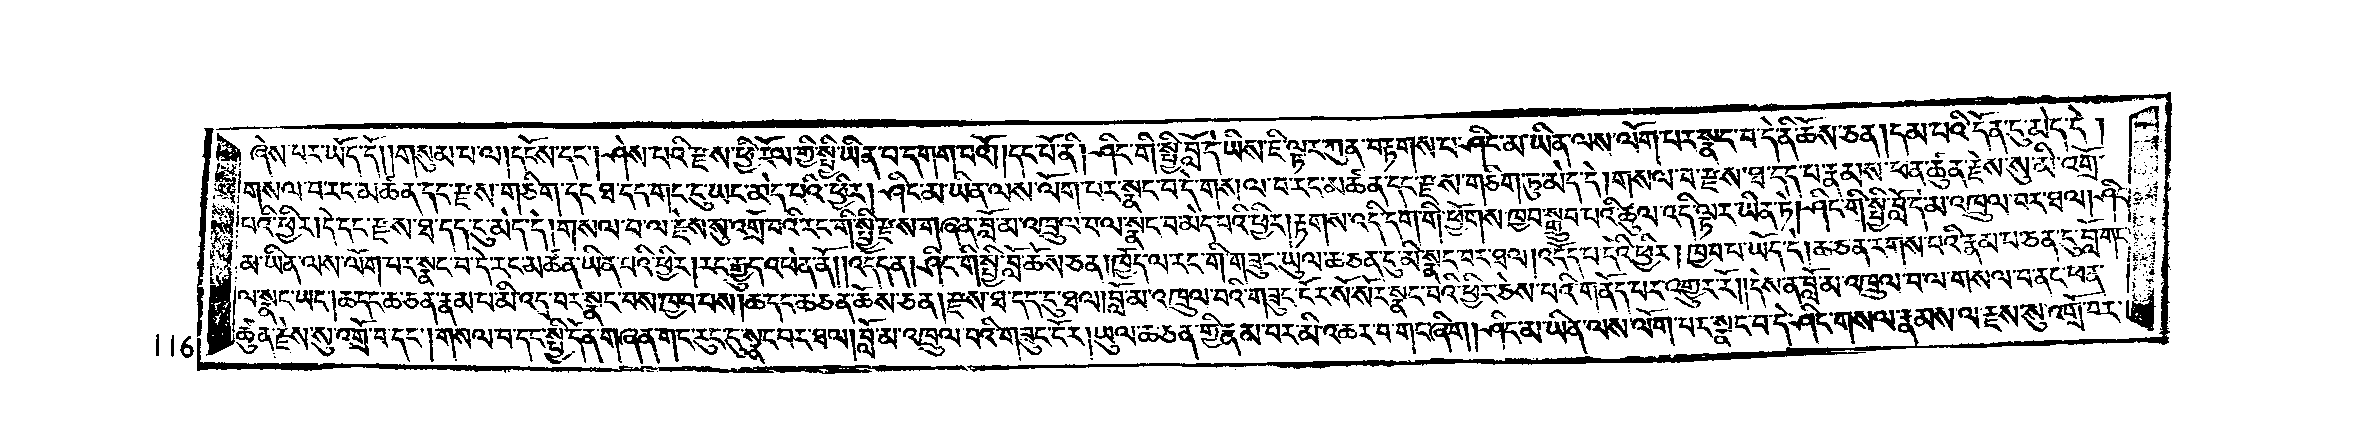ཞེས་པར་ཡོད་དོ། །གསུམ་པ་ལ། དངོས་དང་། ཤེས་པའི་རྫས་ཕྱི་རོལ་གྱི་སྤྱི་ཡིན་པ་དགག་པའོ། །དང་པོ་ནི། ཤིང་གི་སྤྱི་བློ་དེ་ཡིས་ཇི་ལྟར་ཀུན་བརྟགས་པ་ཤིང་མ་ཡིན་ལས་ལོག་པར་སྣང་བ་དེ་ནི་ཆོས་ཅན། དམ་པའི་དོན་དུ་མེད་དེ་།
གསལ་བ་རང་མཚན་དང་རྫས་གཅིག་དང་ཐ་དད་གང་དུ་ཡང་མེད་པའི་ཕྱིར། ཤིང་མ་ཡིན་ལས་ལོག་པར་སྣང་བ་དེ་གསལ་བ་རང་མཚན་དང་རྫས་གཅིག་ཏུ་མེད་དེ། གསལ་བ་རྫས་ཐ་དད་པ་རྣམས་ཕན་ཚུན་རྗེས་སུ་མི་འགྲོ་
བའི་ཕྱིར། དེ་དང་རྫས་ཐ་དད་དུ་མེད་དེ། གསལ་བ་ལ་རྗེས་སུ་འགྲོ་བའི་རང་གི་སྤྱི་རྫས་གཞན་བློ་མ་འཁྲུལ་བ་ལ་སྣང་བ་མེད་པའི་ཕྱིར། རྟགས་འདི་དགག་ཕྱོགས་ཁྱབ་སྒྲུབ་པའི་ཚུལ་འདི་ལྟར་ཡིན་ཏེ། ཤིང་གི་སྤྱི་བྲོ་དེ་མ་འཁྲུལ་བར་ཐལ། ཤིང་
མ་ཡིན་ལས་ལོག་པར་སྣང་བ་དེ་རང་མཚན་ཡིན་པའི་ཕྱིར། རང་རྒྱུད་འཕེན་ནོ། །འདོད་ན། ཤིང་གི་སྤྱི་བློ་ཆོས་ཅན། ཁྱོད་ལ་རང་གི་གཟུང་ཡུལ་ཆ་ཅན་དུ་མི་སྣང་བར་ཐལ། འདོད་པ་དེའི་ཕྱིར། ཁྱབ་པ་ཡོད་དེ། ཆ་ཅན་རིགས་པའི་རྣམ་པ་ཅན་དུ་བློ་གང་
ལ་སྣང་ཡང་། ཆ་དང་ཆ་ཅན་རྣམ་པ་མི་འདྲ་བར་སྣང་བས་ཁྱབ་པས། ཆ་དང་ཆ་ཅན་ཆོས་ཅན། རྫས་ཐ་དད་དུ་ཐལ། བློ་མ་འཁྲུལ་བའི་གཟུང་ངོར་སོ་སོར་སྣང་བའི་ཕྱིར་ཅེས་པའི་གནོད་པར་འགྱུར་རོ། །དེས་ན་བློ་མ་འཁྲུལ་བ་ལ་གསལ་བ་ནང་ཕན་
ཚུན་རྗེས་སུ་འགྲོ་བ་དང་། གསལ་བ་དང་སྤྱི་དོན་གཞན་གང་རུང་དུ་སྣང་བར་ཐལ། བློ་མ་འཁྲུལ་བའི་གཟུང་ངོར། ཡུལ་ཆ་ཅན་གྱི་རྣམ་པར་མི་འཆར་བ་གང་ཞིག །ཤིང་མ་ཡིན་ལས་ལོག་པར་སྣང་བ་དེ་ཤིང་གསལ་རྣམས་ལ་རྗེས་སུ་འགྲོ་བར་